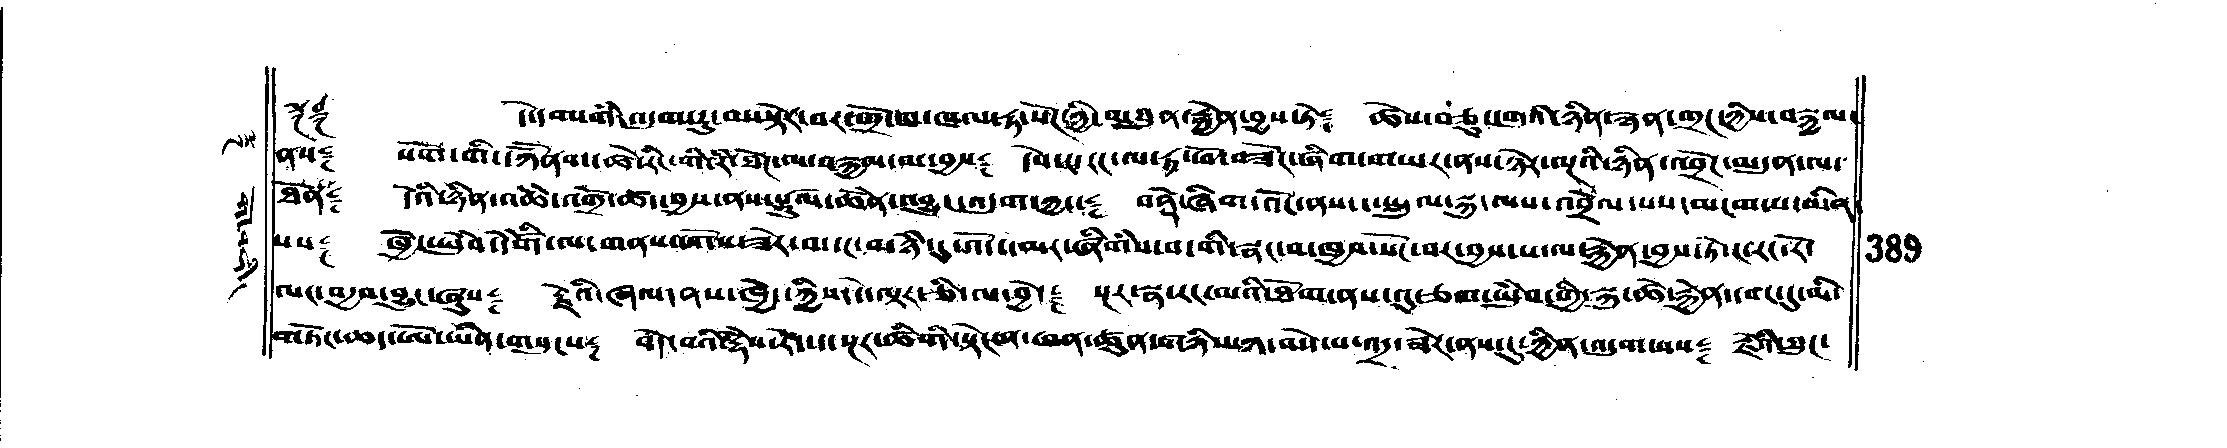དེ་དག་གི་འདུག་ཏུ་མ་སྟེར་བར་གྲོ་ཁ་ཁལ་རྟ་སོགས་ཀྱི་མཐུན་རྐྱེན་བྱས་ཏེ། ཚེས་བཅུ་དགུའི་ཉིན་སྙན་གྲགས་ཀྱིས་བསྐྱལ་
ནས། སོག་གི་དཀོན་མཆོག་ཚེ་རིང་གི་རི་ཐོགས་ལ་བསྐྱལ་མ་བྱས། དེས་ང་རང་ལ་རྟ་ཕོ་བཟང་པོ་ཞིག་གཡར་ནས་ཉེར་ལྔའི་ཉིན་འབྲོང་མདུན་ལ་
ཐོན། དེའི་ཉིན་འཆི་འགྲོ་ཚད་བྱས་ནས་སྡུག་བསྔལ་ཆེན་པོ་འབྱུང་འདུག་ཀྱང་། བནྡེ་ཞིག་འོང་ནས་སྤྲུལ་སྐུ་ལས་འབྲེལ་པས་མངག་པ་ཡིན་
པས། ཁྱེད་ཡབ་ཡུམ་དམ་ཚིག་ལ་གནས་དགོས་ཟེར་བ་དང་མཉམ་དུ་འོད་དམར་ཞིག་གིས་བདག་གི་སྣང་བ་ཁྱབ་སོང་བར་བྱས་པ་ལ་རྐྱེན་བྱས་ཏེ་ང་རང་རོ་
ལང་བརྒྱབ་བྱུང་ཞུས། རྗེའི་ཞལ་ནས་ཁྱེད་ཀྱིས་དེ་ལྟར་ཅི་ལ་བྱེད། སྔར་སྣ་རང་མའི་ཐོག་ནས་འུ་ཅག་ཡབ་ཡུམ་གྱི་སྐུ་ཚེ་རྐྱེན་དབང་དུ་མི་
གཏོང་ཆད་ཨོ་ཡིན་གསུངས།བདེ་བའི་རྡོ་རྗེས་རེད་ད་སྔར་ཚིག་གི་སྟེང་ན་ཕན་ཚུན་གཉིས་ཀ་མེད་པ་འདྲ་ཟེར་ནས་ངུ་ཀྱིན་༼གིན་?༽འདུག་པས། རྗེའི་ཐུགས་